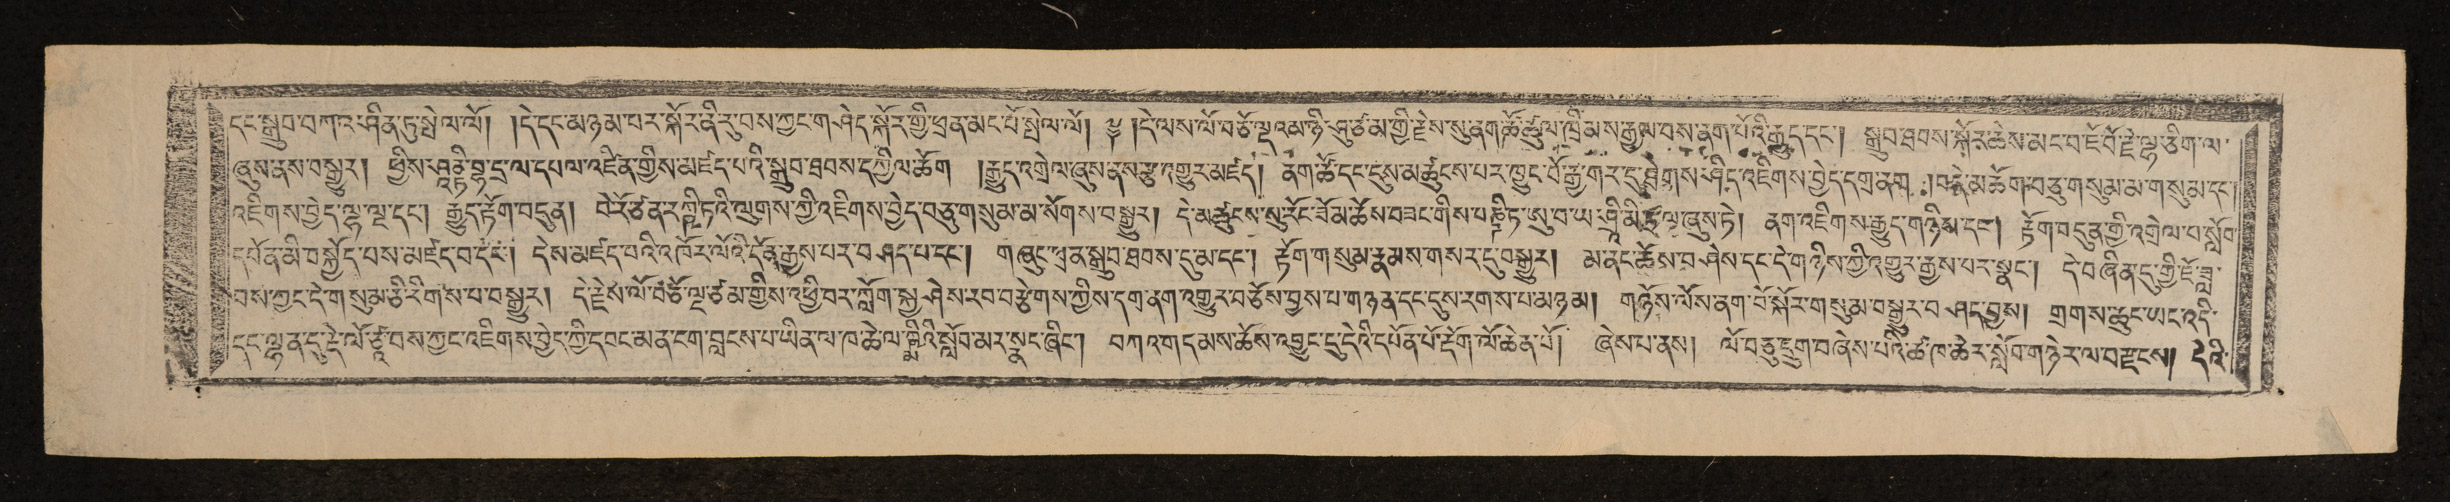དང་སྒྲུབ་བཀའ་ཤིན་ཏུ་སྤེལ་ལོ། །དེ་དང་མཉམ་བར་སྐོར་ནི་རུ་བས་ཀྱང་གཤེད་སྐོར་གྱི་ཕྲན་མང་པོ་སྤེལ་ལོ། ༈ །དེ་ལས་ལོ་བཅོ་ལྔའམ་ཉི་ཤུ་ཙམ་གྱི་རྗེས་སུ་ནག་ཚོ་ཚུལ་ཁྲིམས་རྒྱལ་བས་ནག་པོའི་རྒྱུད་དང་། སྒྲུབ་ཐབས་སྐོར་ཆེས་མང་བ་རྗོ་བོ་རྗེ་ལྷ་ཅིག་ལ་
ཞུས་ནས་བསྒྱུར། ཕྱིས་ཤཱནྟི་བྷ་དྲལ་དཔལ་འཛིན་གྱིས་མཛད་པའི་སྒྲུབ་ཐབས་དཀྱིལ་ཆོག །རྒྱུད་འགྲེལ་ཞུས་ནས་རྩ་འགྱུར་མཛད། ནག་ཚོ་དང་དུས་མཚུངས་པར་ཁྱུང་པོ་རྒྱ་གར་དུ་ཐེགས་ཤིང་འཇིགས་བྱེད་དགྲ་ནག །བདེ་མཆོག་བཅུ་གསུམ་མ་གསུམ་དང་
འཇིགས་བྱེད་ལྷ་ལྔ་དང་། རྒྱུད་རྟོག་བདུན། བཻ་རོ་ཙན་རཀྵི་ཏའི་ལུགས་ཀྱི་འཇིགས་བྱེད་བཅུ་གསུམ་མ་སོགས་བསྒྱུར། དེ་མཚུངས་སུ་རོང་ཟོམ་ཆོས་བཟང་གིས་པཎྜིཏ་ཨུ་པ་ཡ་ཤྲཱི་མི་ཏྲ་ལ་ཞུས་ཏེ། ནག་འཇིགས་རྒྱུད་གཉིས་དང་། རྟོག་བདུན་གྱི་འབྲེལ་པ་སློབ་
དཔོན་མི་བསྐྱོད་པས་མཛད་པ་དང་། དེས་མཛད་པའི་འཁོར་ལོའི་དོན་རྒྱས་པར་བཤད་པ་དང་། གཞུང་ཕྲན་སྒྲུབ་ཐབས་དུ་མ་དང་། རྟོག་གསུམ་རྣམས་གསར་དུ་བསྒྱུར། མ་ནང་ཆོས་བཤེས་དང་དེ་གཉིས་ཀྱི་འགྱུར་རྒྱས་པར་སྣང་། དེ་བཞིན་དུ་གྱི་ཇོ་ཟླ་
བས་ཀྱང་དེ་གསུམ་ཅི་རིགས་པ་བསྒྱུར། དེ་རྗེས་ལོ་བཅོ་ལྔ་ཙམ་གྱིས་འཕྱི་བར་ཀློག་སྐྱ་ཤེས་རབ་རྩེགས་ཀྱིས་དགྲ་ནག་འགྱུར་བཅོས་བྱས་པ་གཉན་དང་དུས་རགས་པ་མཉམ། གཉོས་ལོས་ནག་པོ་སྐོར་གསུམ་བསྒྱུར་བཤད་བྱས། གྲགས་ཆུང་ཡང་འདི་
དང་ལྷན་དུ་རྡེ་ལོ་ཙཱ་བས་ཀྱང་འཇིགས་བྱེད་ཀྱི་དབང་མན་ངག་བླངས་པ་ཡིན་ལ་ཁ་ཆེ་ལཀྰྨིའི་སློབ་མར་སྣང་ཞིང་། དཀའ་གདམས་ཆོས་འབྱུང་དུ་དེའི་དཔོན་པོ་རྡོག་ལོ་ཆེན་པོ། ཞེས་པ་ནས། ལོ་བཅུ་དྲུག་བཞེས་པའི་ཚེ་ཁ་ཆེར་སློབ་གཉེར་ལ་བརྫངས། དེའི་